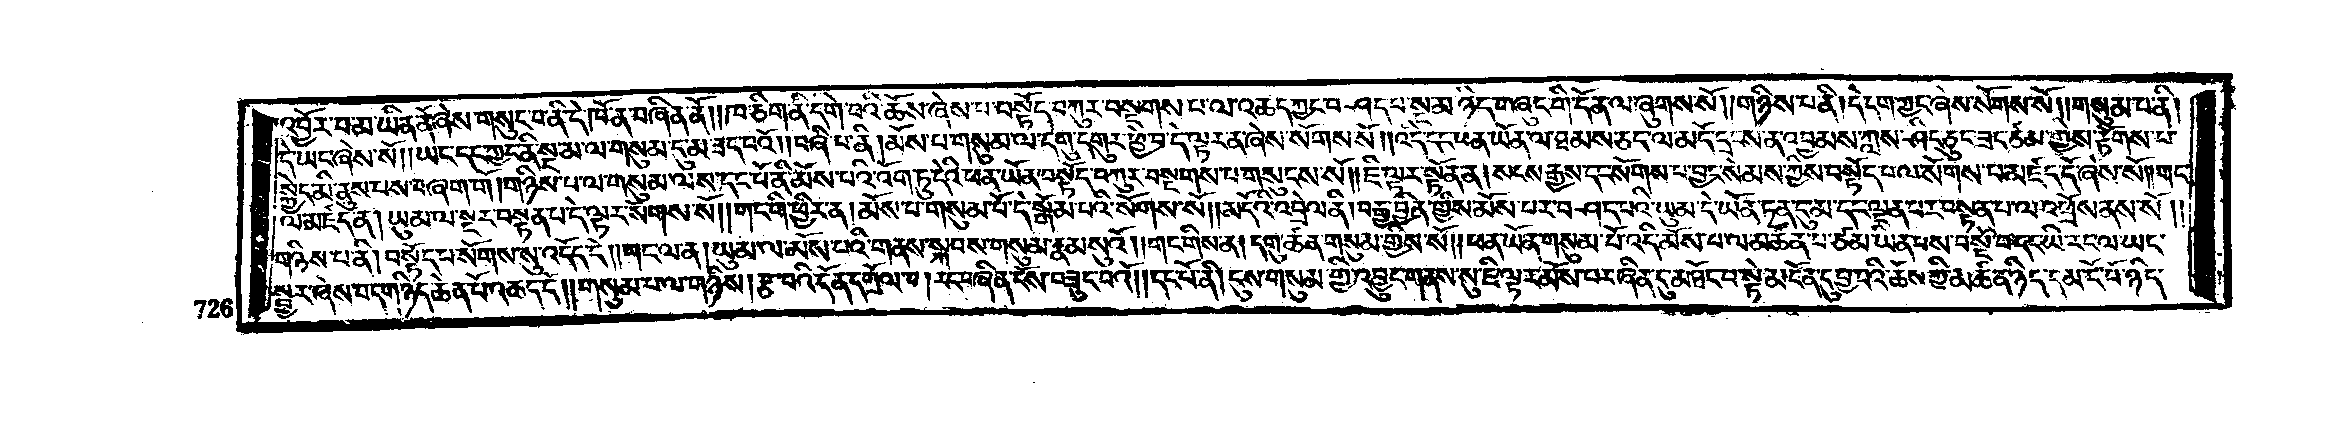འབྱོར་བ་མ་ཡིན་ནོ་ཞེས་གསུང་བ་ནི་དེ་ཁོ་ན་བཞིན་ནོ། །ཁ་ཅིག་ནི་དགེ་བའི་ཆོས་ཞེས་པ་བསྟོད་བཀུར་བསྔགས་པ་ལ་འཆད་ཀྱང་བཤད་པ་སྔ་མ་ཉིད་གཞུང་གི་དོན་ལ་ཞུགས་སོ། །གཉིས་པ་ནི། དེ་དག་ཀྱང་ཞེས་སོགས་སོ། །གསུམ་པ་ནི།
དེ་ཡང་ཞེས་སོ། །ཡང་དང་ཀྱང་ནི་སྔ་མ་ལ་གསུམ་དུ་མ་ཟད་པའོ། །བཞི་པ་ནི། མོས་པ་གསུམ་ལ་དགུ་དགུར་ཕྱེ་བ་དེ་ལྟར་ན་ཞེས་སོགས་སོ། །འདི་དང་ཕན་ཡོན་ལ་ཐམས་ཅད་ལ་མདོ་དྲངས་ན་འབྱམས་ཀླས་ཤིང་ཅུང་ཟད་ཙམ་གྱིས་རྟོགས་པ་
སྐྱེད་མི་ནུས་པས་བཞག་གོ །གཉིས་པ་ལ་གསུམ་ལས་དང་པོ་ནི་མོས་པའི་འོག་ཏུ་དེའི་ཕན་ཡོན་བསྟོད་བཀུར་བསྔགས་པ་གསུངས་སོ། །ཇི་ལྟར་སྟོན་ན། སངས་རྒྱས་དང་སོགས་པ་བྱང་སེམས་ཀྱིས་བསྟོད་པ་ལ་སོགས་པ་མཛད་དོ་ཞེས་སོ། །གང་
ལ་མཛད་ན། ཡུམ་ལ་སྔར་བསྟན་པ་དེ་ལྟར་སོགས་སོ། །གང་གི་ཕྱིར་ན། མོས་པ་གསུམ་པོ་དེ་སྒོམ་པའི་སོགས་སོ། །མདོའི་འབྲེལ་ནི། བརྒྱ་བྱིན་གྱིས་མོས་པར་བཤད་པའི་ཡུམ་དེ་ཡོན་ཏན་དུ་མ་དང་ལྡན་པར་བསྟན་པ་ལ་འཕྲོས་ནས་སོ། །
གཉིས་པ་ནི། བསྟོད་པ་སོགས་སུ་འདོད་དེ། །གང་ལ་ན། ཡུམ་ལ་མོས་པའི་གནས་སྐབས་གསུམ་རྣམས་སུའོ། །གང་གིས་ན། དགུ་ཚན་གསུམ་གྱིས་སོ། །ཕན་ཡོན་གསུམ་པོ་འདི་མོས་པ་ལ་མཚོན་པ་ཙམ་ཡིན་པས་བསྔོ་བ་དང་ཡི་རང་ལ་ཡང་
སྦྱར་ཞེས་བདག་ཉིད་ཆེན་པོ་འཆད་དོ། །གསུམ་པ་ལ་གཉིས། རྩ་བའི་དོན་དགྲོལ་བ། རང་བཞིན་ངོས་བཟུང་བའོ། །དང་པོ་ནི། དུས་གསུམ་གྱི་འབྱུང་གནས་སུ་ཇི་ལྟར་མོས་པ་བཞིན་དུ་མཐོང་བ་སྟེ་མངོན་དུ་བྱ་བའི་ཆོས་ཀྱི་མཚན་ཉིད་དམ་ངོ་བོ་ཉིད་